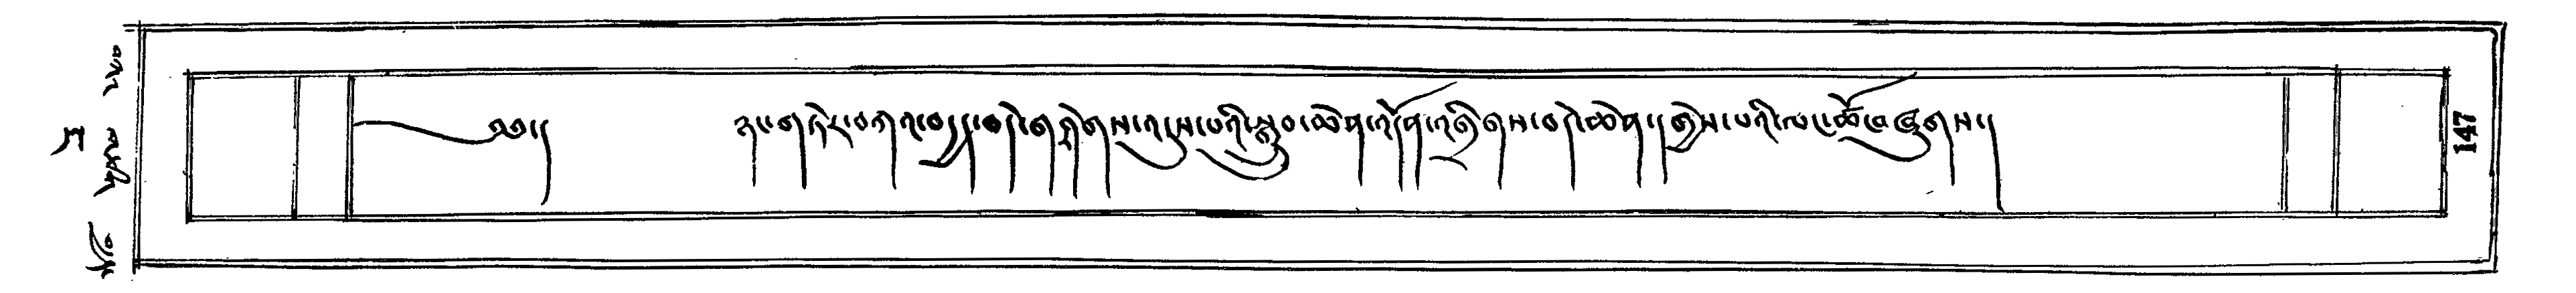༄༅། ཉང་གཏེར་བཀའ་བརྒྱད་བདེ་གཤེགས་འདུས་པའི་སྒྲུབ་ཆེན་འདོན་འགྲིགས་བདེ་ཆེན་དགྱེས་པའི་ལང་ཚོ་བཞུགས།